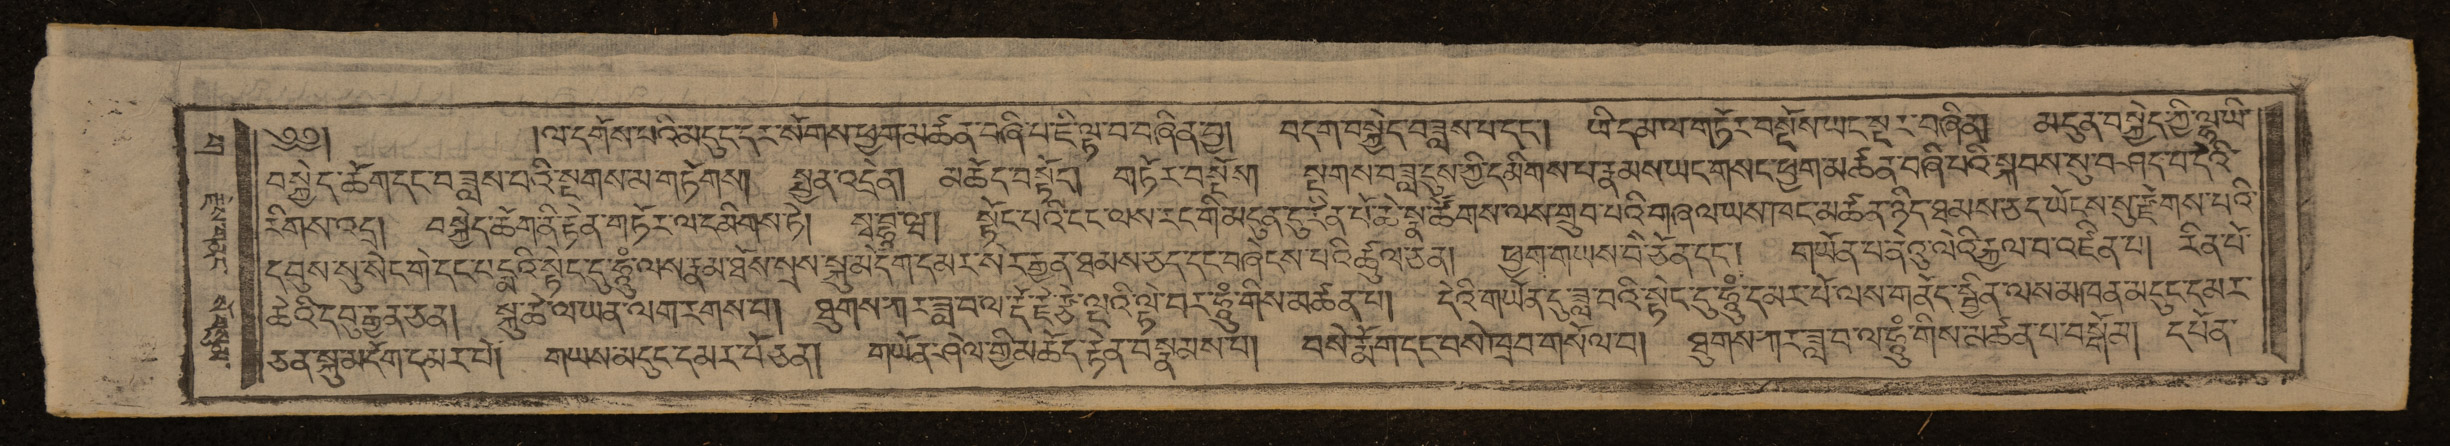༄༅། །ལ་དགོས་པའི་མདུང་དར་སོགས་ཕྱག་མཚན་བཞི་པ་ཇི་ལྟ་བ་བཞིན་བྱ། བདག་བསྐྱེད་བཟླས་པ་དང་། ཡི་དམ་ལ་གཏོར་བསྔོས་ཡང་སྔར་བཞིན། མདུན་བསྐྱེད་ཀྱི་ལྷ་ཡི་
བསྐྱེད་ཆོག་དང་བཟླས་པའི་སྔགས་མ་གཏོགས། སྤྱན་འདྲེན། མཆོད་བསྟོད། གཏོར་བསྔོས། སྔགས་བཟླ་དུས་ཀྱི་དམིགས་པ་རྣམས་ཡང་གསང་ཕྱག་མཚན་བཞི་པའི་སྐབས་སུ་བཤད་པ་དེའི་
རིགས་འདྲ། བསྐྱེད་ཆོག་ནི་རྟེན་གཏོར་ལ་དམིགས་ཏེ། སྭ་བྷཱ་ཝ། སྟོང་པའི་ངང་ལས་རང་གི་མདུན་དུ་རིན་པོ་ཆེ་སྣ་ཚོགས་ལས་གྲུབ་བའི་གཞལ་ཡས་ཁང་མཚན་ཉིད་ཐམས་ཅད་ཡོངས་སུ་རྫོགས་པའི་
དབུས་སུ་སེང་གེ་དང་པདམའི་སྟེང་དུ་ཧཱུཾ་ལས་རྣམ་ཐོས་སྲས་སྐུ་མདོག་དམར་སེར་རྒྱན་ཐམས་ཅད་དང་བཞེངས་པའི་ཚུལ་ཅན། ཕྱག་གཡས་བཻ་ཅོན་དང་། གཡོན་པ་ནེའུ་ལེའི་རྐྱལ་བ་འཛིན་པ། རིན་པོ་
ཆེའི་དབུ་རྒྱན་ཅན། སྐུ་ཆེ་ལ་ཡན་ལག་རགས་པ། ཐུགས་ཀར་ཟླ་བ་ལ་རྡོ་རྗེ་རྩེ་ལྔའི་ལྟེ་བར་ཧཱུཾ་གིས་མཚན་པ། དེའི་གཡོན་དུ་ཟླ་བའི་སྟེང་དུ་ཧཱུཾ་དམར་པོ་ལས་གནོད་སྦྱིན་ལ་མཁན་མདུང་དམར་
ཅན་སྐུ་མདོག་དམར་པོ། གཡས་མདུང་དམར་པོ་ཅན། གཡོན་ཤེལ་གྱི་མཆོད་རྟེན་བསྣམས་པ། བསེ་རྨོག་དང་བསེ་ཁྲབ་གསོལ་བ། ཐུགས་ཀར་ཟླ་བ་ལ་ཧཱུཾ་གིས་མཚན་པ་བསྒོམ། དཔོན་